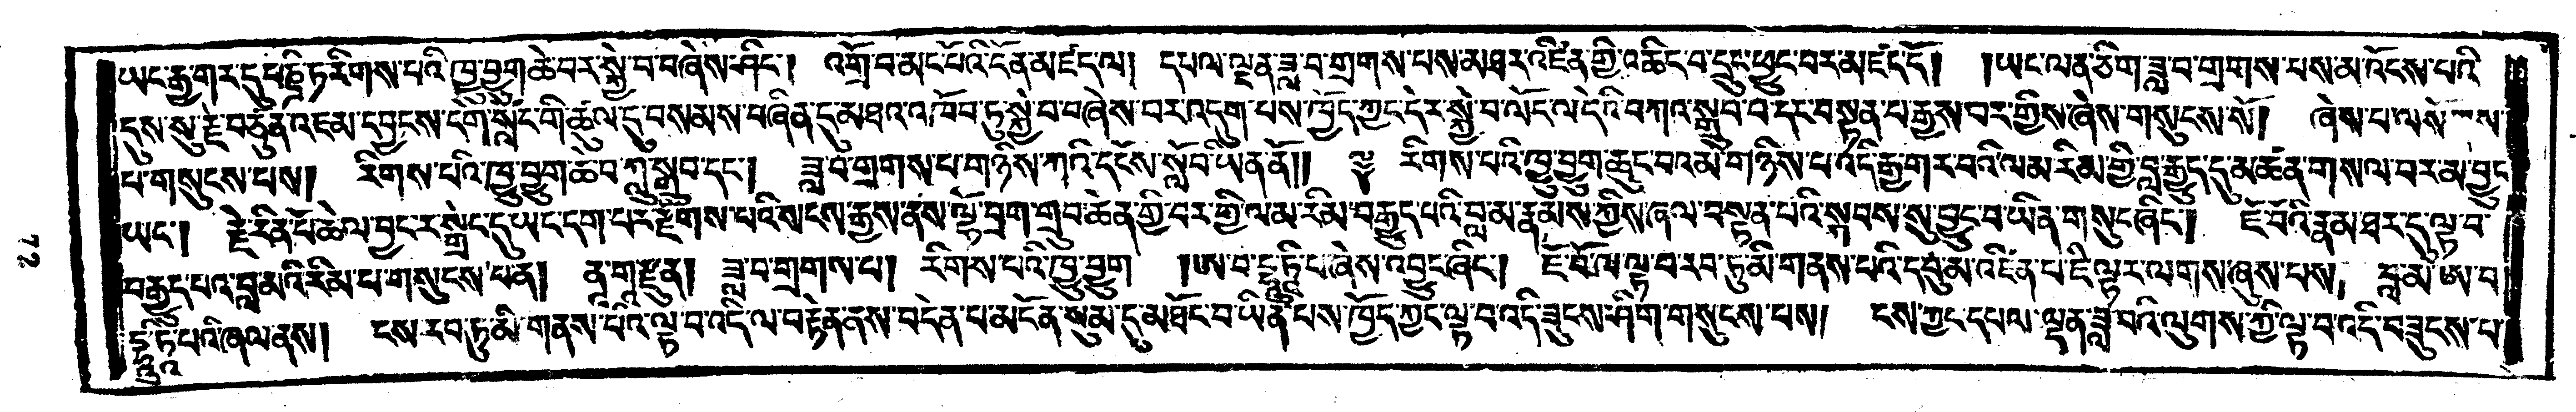ཡང་རྒྱ་གར་དུ་པཎྜི་ཏ་རིགས་པའི་ཁྱུ་བྱུག་ཆེ་བར་སྐྱེ་བ་བཞེས་ཤིང་། འགྲོ་བ་མང་པོའི་དོན་མཛད་ལ། དཔལ་ལྡན་ཟླ་བ་གྲགས་པས་མཐར་འཛིན་གྱི་འཆིང་བ་དྲུང་ཕྱུང་བར་མཛད་དོ། །ཡང་ལན་ཅིག་ཟླ་བ་གྲགས་པས་མ་འོངས་པའི་
དུས་སུ་རྗེ་བཙུན་འཇམ་དབྱངས་དགེ་སློང་གི་ཚུལ་དུ་བསམས་བཞིན་དུ་མཐའ་འཁོབ་ཏུ་སྐྱེ་བ་བཞེས་བར་འདུག་པས་ཁྱོད་ཀྱང་དེར་སྐྱེ་བ་ལོང་ལ་དེའི་བཀའ་སྒྲུབ་པ་དང་བསྟན་པ་རྒྱས་པར་གྱིས་ཞེས་གསུངས་སོ། ཞེས་པ་ལ་སོགས་
པ་གསུངས་པས། རིགས་པའི་ཁྱུ་བྱུག་ཆེ་བ་ཀླུ་སྒྲུབ་དང་། ཟླ་བ་གྲགས་པ་གཉིས་ཀའི་དངོས་སློབ་ཡིན་ནོ། །༈ རིགས་པའི་ཁྱུ་བྱུག་ཆུང་བའམ་གཉིས་པ་འདི་རྒྱ་གར་བའི་ལམ་རིམ་གྱི་བླ་རྒྱུད་དུ་མཚན་གསལ་བར་མ་བྱུང་
ཡང་། རྗེ་རིན་པོ་ཆེ་ལ་བྱང་ར་སྒྲེང་དུ་ཡང་དག་པར་རྫོགས་པའི་སངས་རྒྱས་ནས་ལྷོ་བྲག་གྲུབ་ཆེན་གྱི་བར་གྱི་ལམ་རིམ་བརྒྱུད་པའི་བླ་མ་རྣམས་ཀྱིས་ཞལ་བསྟན་པའི་སྐབས་སུ་བྱུང་བ་ཡིན་གསུང་ཞིང་། ཇོ་བོའི་རྣམ་ཐར་དུ་ལྟ་བ་
བརྒྱུད་པའི་བླ་མའི་རིམ་པ་གསུངས་པ་ན། ནཱ་གཱ་རྫུན། ཟླ་བ་གྲགས་པ། རིགས་པའི་ཁྱུ་བྱུག །ཨ་བ་དྷཱུ་ཏཱི་པ་ཞེས་འབྱུང་ཞིང་། ཇོ་བོ་ལ་ལྟ་བ་རབ་ཏུ་མི་གནས་པའི་དབུ་མ་འཛིན་པ་ཇི་ལྟར་ལགས་ཞུས་པས། བླ་མ་ཨ་བ་
དྷཱུ་ཏཱ་པའི་ཞལ་ནས། ངས་རབ་ཏུ་མི་གནས་པའི་ལྟ་བ་འདི་ལ་བརྟེན་ནས་བདེན་པ་མངོན་སུམ་དུ་མཐོང་བ་ཡིན་པས་ཁྱོད་ཀྱང་ལྟ་བ་འདི་ཟུངས་ཤིག་གསུངས་པས། ངས་ཀྱང་དཔལ་ལྡན་ཟླ་བའི་ལུགས་ཀྱི་ལྟ་བ་འདི་བཟུངས་པ་